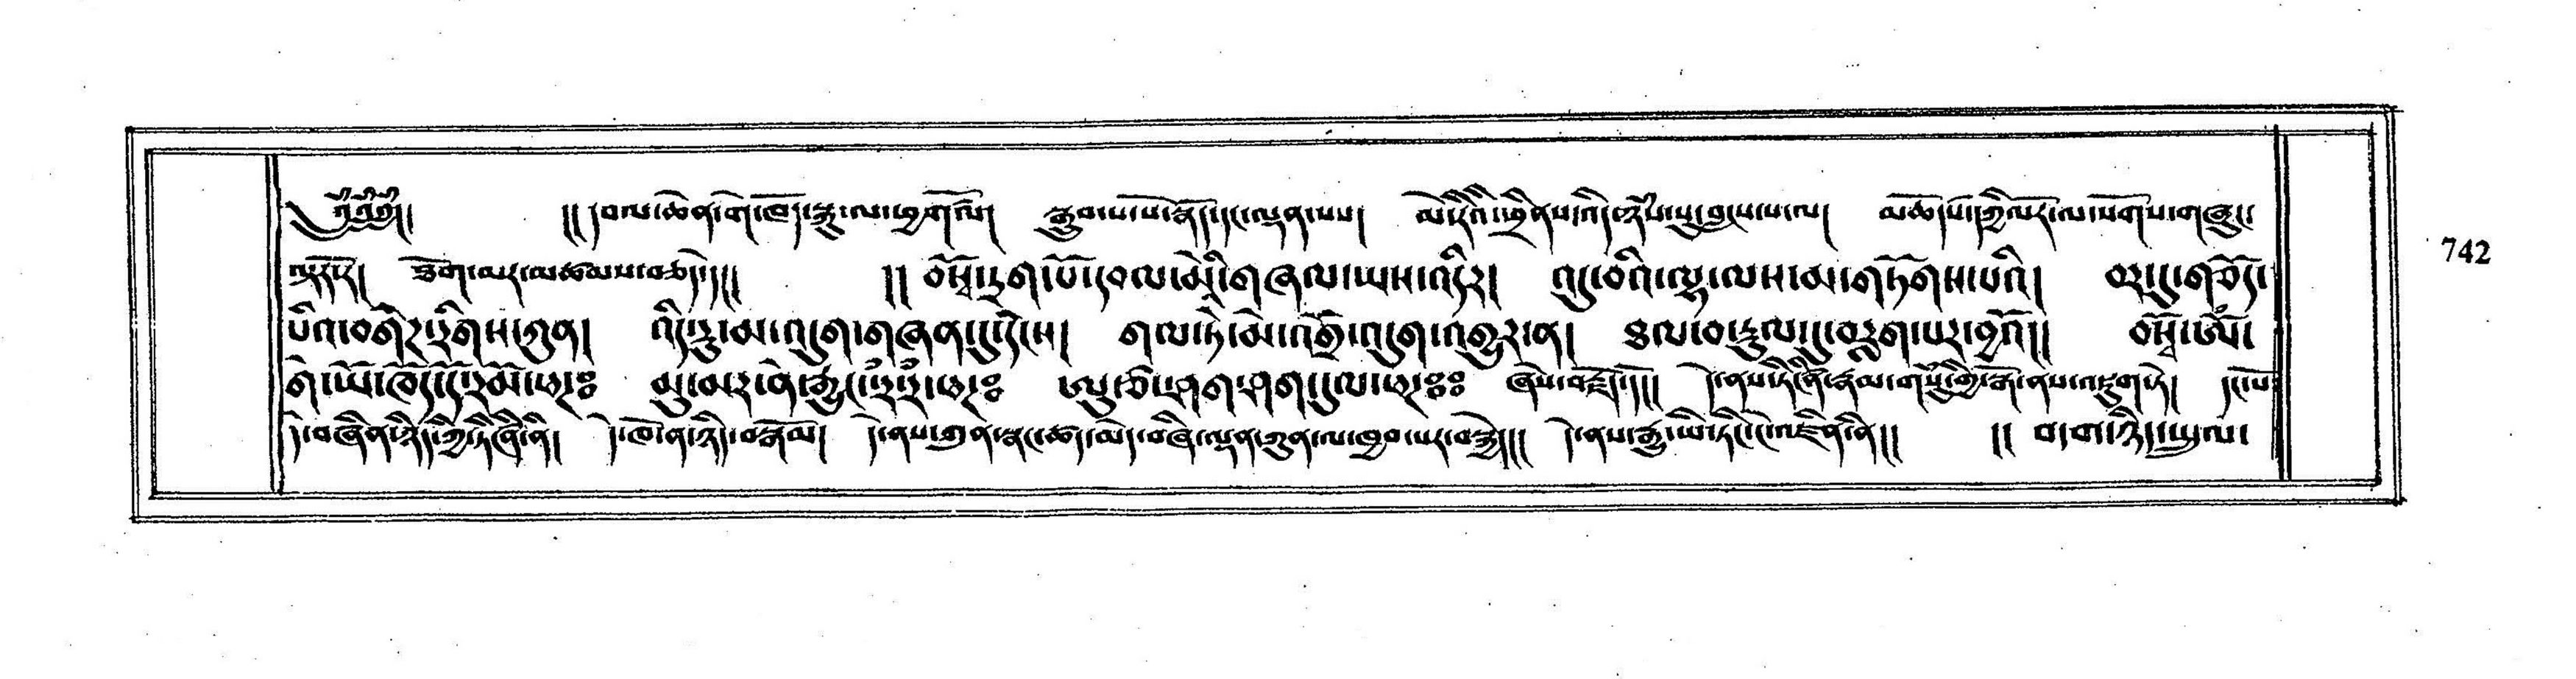༄༅༅།། །།དབལ་ཆེན་གེ་ཁོད་སྐུ་ལ་ཕྱག་འཚལ་ལོ། སྒྲུབ་པ་པོ་སྣོད་དང་ལྡན་པས། མེ་རིའི་ཕྲིན་ལས་འདི་ཉམས་སུ་བླངས་པ་ལ། མཆོད་རྫས་དཀྱིལ་འཁོར་ལ་སོགས་གཞུང་
ལྟར་རོ། ཐོག་མར་མཚམས་བཅད་དེ།། །།བསྭོ་དྲག་པོ་དབལ་མེའི་གཞལ་ཡས་འདིར། འདུ་བའི་ལྷ་ལས་མ་གཏོགས་པའི། བར་དུ་གཅོད་
པའི་བགེགས་རིགས་ཀུན། འདི་རུ་མ་འདུག་གཞན་དུ་དེངས། གལ་ཏེ་མི་འགྲོ་འདུག་འགྱུར་ན། ཐལ་བ་རྡུལ་དུ་བརླག་པར་བྱའོ།། བསྭོ་ཨོཾ་
གེ་ཡོ་ཁོད་དོ་རམ་ཕཊཿ མུ་མར་ནེ་རྒྱུང་རཾ་རཾ་ཕཊཿ ཨུ་ཙ་ཤག་ཤག་དུལ་ཕཊཿ༔ ཞེས་བརྗོད་དོ།། དེ་ནས་ཏིང་འཛིན་རྣམ་གསུམ་གྱི་སྒོ་ནས་འཇུག་ཏེ། དང་པོ་
དེ་བཞིན་ཉིད་ཀྱི་ཏིང་འཛིན་ནི། དེ་ཁོ་ན་ཉིད་བསྒོམ། དེ་ནས་ཀུན་སྣང་ཚད་མེད་བཞི་ལྡན་ཀུན་ལ་ཁྱབ་པར་བསྐྱེད།། དེ་ནས་རྒྱུ་ཡི་ཏིང་ངེ་འཛིན་ནི།། །།བདག་ཉིད་སྤྲུལ་